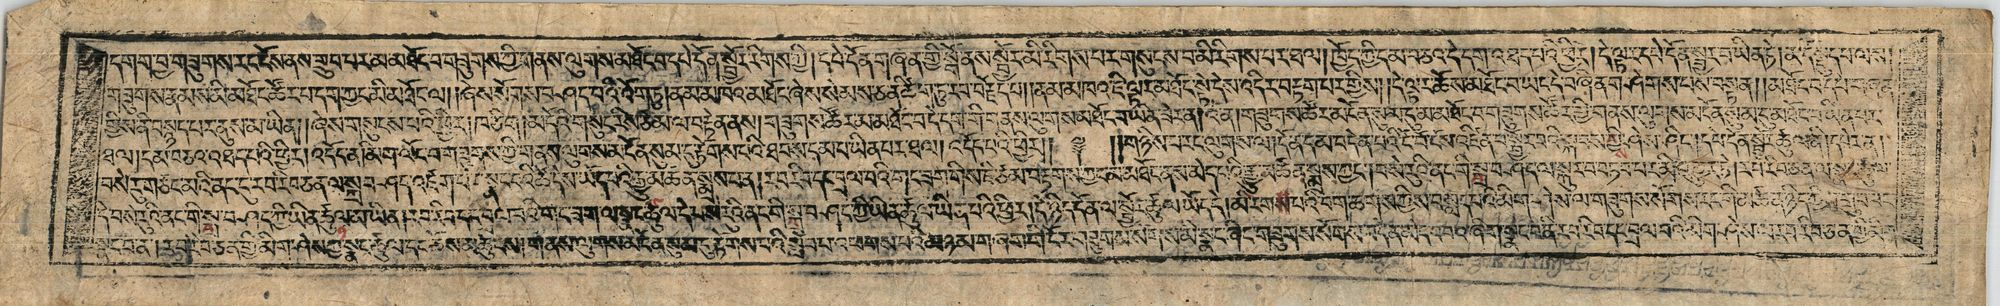དགག་བྱ་གཟུགས་རང་ངོས་ནས་གྲུབ་པར་མ་མཐོང་བ་གཟུགས་ཀྱི་གནས་ལུགས་མཐོང་བ་དཔེ་དོན་སྦྱོར་རིགས་ཀྱི། དཔེ་དོན་གཞན་གྱི་སྒོ་ནས་སྦྱོར་མི་རིགས་པར་གསུངས་པ་མི་རིགས་པར་ཐལ། ཁྱོད་ཀྱི་དམ་བཅའ་དེ་དག་འཐད་པའི་ཕྱིར། དེ་ལྟར་དཔེ་དོན་སྦྱར་བ་ཡིན་ཏེ། མདོ་སྡུད་པ་ལས།
གཟུགས་རྣམས་མི་མཐོང་ཚོར་བ་དག་ཀྱང་མི་མཐོང་ལ། །ཞེས་སོགས་བཤད་པའི་འོག་ཏུ། ནམ་མཁའ་མཐོང་ཞེས་སེམས་ཅན་ཚིག་ཏུ་རབ་བརྗོད་པ། ནམ་མཁའ་ཇི་ལྟར་མཐོང་སྟེ་དེས་འདིར་བརྟག་པར་གྱིས། །དེ་ལྟར་ཆོས་མཐོང་བ་ཡང་དེ་བཞིན་གཤེགས་པས་བསྟན། །མཐོང་བ་དཔེ་གཞན་
གྱིས་ནི་བསྙད་པར་ནུས་མ་ཡིན། །ཞེས་གསུངས་པའི་ཕྱིར། ཁ་ཅིག །མདོའི་གསུང་རིས་ཙམ་ལ་བརྟེན་ནས། གཟུགས་ཚོར་མ་མཐོང་བ་དེ་དག་གི་གནས་ལུགས་མཐོང་བ་ཡིན་ཟེར་ན། འོ་ན། གཟུགས་ཚོར་མངོན་སུམ་དུ་མ་མཐོང་བ་གཟུགས་ཚོར་གྱི་གནས་ལུགས་མངོན་སུམ་དུ་མཐོང་བ་ཡིན་པར་
ཐལ། དམ་བཅའ་འཐད་པའི་ཕྱིར། འདོད་ན། མིག་ལོང་བ་གཟུགས་ཀྱི་གནས་ལུགས་མངོན་སུམ་དུ་རྟོགས་པའི་ཐབས་དམ་པ་ཡིན་པར་ཐལ། འདོད་པའི་ཕྱིར།། ༈ །།གཉིས་པ་རང་ལུགས་ལ། དོན་དམ་བདེན་པའི་ངོ་བོ་ངོས་འཛིན་པ་སྦྱོར་བའི་སྐབས་ཀྱིས་ཤེས་ཤིང་། དཔེ་དོན་སྦྱོར་ཚུལ་ནི། དཔེར་ན།
བསེ་རུ་གཙང་མའི་ནང་དུ་རབ་རིབ་ཅན་ལ་སྐྲ་བཤད་འཛག་པར་སྣང་བའི་ཚེ་དེས་ཡོད་པའི་རྒྱུ་མཚན་སྨྲས་པ་ན། རབ་རིབ་དང་བྲལ་བའི་གང་ཟག་གིས་ཇི་ཙམ་བརྟགས་ཀྱང་མ་མཐོང་ནས་མེད་པའི་རྒྱུ་མཚན་སྨྲས་ཀྱང་། བསེ་རུའི་ནང་གི་སྐྲ་བཤད་ལ་སྐུར་བ་བཏབ་པར་མི་འགྱུར་ཏེ། རབ་རིབ་ཅན་ལ་སྣང་ཚུལ་
དེ་བསེ་རུའི་ནང་གི་སྐྲ་བཤད་ཀྱི་ཡིན་ཚུལ་མ་ཡིན། རབ་རིབ་དང་བྲལ་བའི་གང་ཟག་ལ་སྣང་ཚུལ་དེ་བསེ་རུའི་ནང་གི་སྐྲ་བཤད་ཀྱི་ཡིན་ཚུལ་ཡིན་པའི་ཕྱིར། དེ་ཉིད་དོན་ལ་སྦྱོར་ཚུལ་ཡོད་དེ། མི་རིག་པའི་བག་ཆགས་ཀྱིས་བསླད་པའི་མིག་ཤེས་ལ་གཟུགས་སོགས་རང་གི་མཚན་ཉིད་ཀྱིས་གྲུབ་པར་
སྣང་བ་ན། རབ་རིབ་ཅན་གྱི་མིག་ཤེས་ཀྱི་སྣང་ཚུལ་དང་ཆོས་མཚུངས། གནས་ལུགས་མངོན་སུམ་དུ་རྟོགས་པའི་སློབ་པ་འཕགས་པའི་མཉམ་གཞག་གི་ངོར་གཟུགས་སོགས་མི་སྣང་ཞིང་གཟུགས་སོགས་བདེན་མེད་འབའ་ཞིག་སྣང་བ་ནི་རབ་རིབ་དང་བྲལ་བའི་མིག་ཤེས་ལ་རབ་རིབ་ཅན་གྱི་མིག་